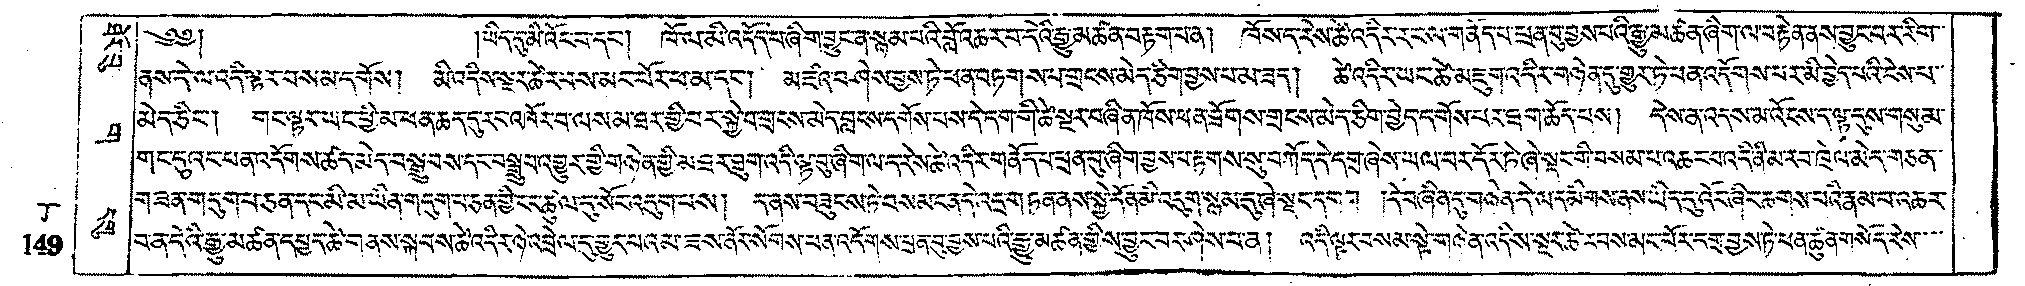༄༅། །ཡིད་དུ་མི་འོང་བ་དང་། ཁོ་ལ་མི་འདོད་པ་ཞིག་བྱུང་ན་སྙམ་པའི་བློ་འཆར་བ་དེའི་རྒྱུ་མཚན་བརྟག་པ་ན། ཁོས་ད་རེས་ཚེ་འདིར་རང་ལ་གནོད་པ་ཕྲན་བུ་བྱས་པའི་རྒྱུ་མཚན་ཞིག་ལ་བརྟེན་ནས་བྱུང་བར་རིག་་་
ནས་དེ་ལ་འདི་ལྟར་བསམ་དགོས། མི་འདིས་སྔར་ཚེ་རབས་མང་པོར་ཕ་མ་དང་། མཛའ་བཤེས་བྱས་ཏེ་ཕན་བཏགས་པ་གྲངས་མེད་ཅིག་བྱས་པ་མ་ཟད། ཚེ་འདིར་ཡང་ཚེ་མཇུག་འདིར་གཉེན་དུ་གྱུར་ཏེ་ཕན་འདོགས་པར་མི་བྱེད་པའི་ངེས་པ་་་
མེད་ཅིང་། གང་ལྟར་ཡང་ཕྱི་མ་ཕན་ཆད་དུ་རང་འཁོར་བ་ལས་མ་ཐར་གྱི་བར་སྐྱེ་བ་གྲངས་མེད་བླངས་དགོས་པས་དེ་དག་ཅིག་ཚེ་སྔར་བཞིན་ཁོས་ཕན་ཐོགས་གྲངས་མེད་ཅིག་བྱེད་དགོས་པར་ཐག་ཆོད་པས། དེས་ན་འདས་མ་འོངས་ད་ལྟ་དུས་གསུམ་
གང་དུའང་ཕན་འདོགས་ཚད་མེད་བསྒྲུབས་དང་བསྒྲུབ་འགྱུར་གྱི་གཉེན་གྱི་མཐར་ཐུག་འདི་ལྟ་བུ་ཞིག་ལ་ད་རེས་ཚེ་འདིར་གནོད་པ་ཕྲན་བུ་ཞིག་བྱས་པ་རྟགས་སུ་བཀོད་དེ་དགྲ་ཞེས་ཡལ་བར་དོར་ཏེ་ཞེ་སྡང་གི་བསམ་པ་འཆང་བ་འདི་ནི་མ་རབ་ཁྲེལ་མེད་གཅན་་་
གཟན་གདུག་པ་ཅན་དང་མི་མ་ཡིན་གདུག་པ་ཅན་གྱི་ངང་ཚུལ་དུ་སོང་འདུག་པས། ད་ནས་བཟུངས་ཏེ་བསམ་ངན་དེ་འདྲ་གཏན་ནས་སྐྱེ་དོན་མི་འདུག་སྙམ་དུ་ཞེ་སྡང་དགག །དེ་བཞིན་དུ་གཉེན་དེ་ལ་དམིགས་ནས་ཡིད་དུ་འོང་ཞིང་ཆགས་པའི་རྣམ་པ་འཆར་
བ་ན་དེའི་རྒྱུ་མཚན་དཔྱད་ཚེ་གནས་སྐབས་ཚེ་འདིར་ཉེ་འབྲེལ་དུ་གྱུར་པའམ་ཟས་ནོར་སོགས་ཕན་འདོགས་ཕྲན་བུ་བྱས་པའི་རྒྱུ་མཚན་གྱིས་བྱུང་བར་ཤེས་པ་ན། འདི་ལྟར་བསམ་སྟེ་གཉེན་འདིས་སྔར་ཚེ་རབས་མང་པོར་དགྲ་བྱས་ཏེ་ཕན་ཚུན་གསོད་རེས་་་